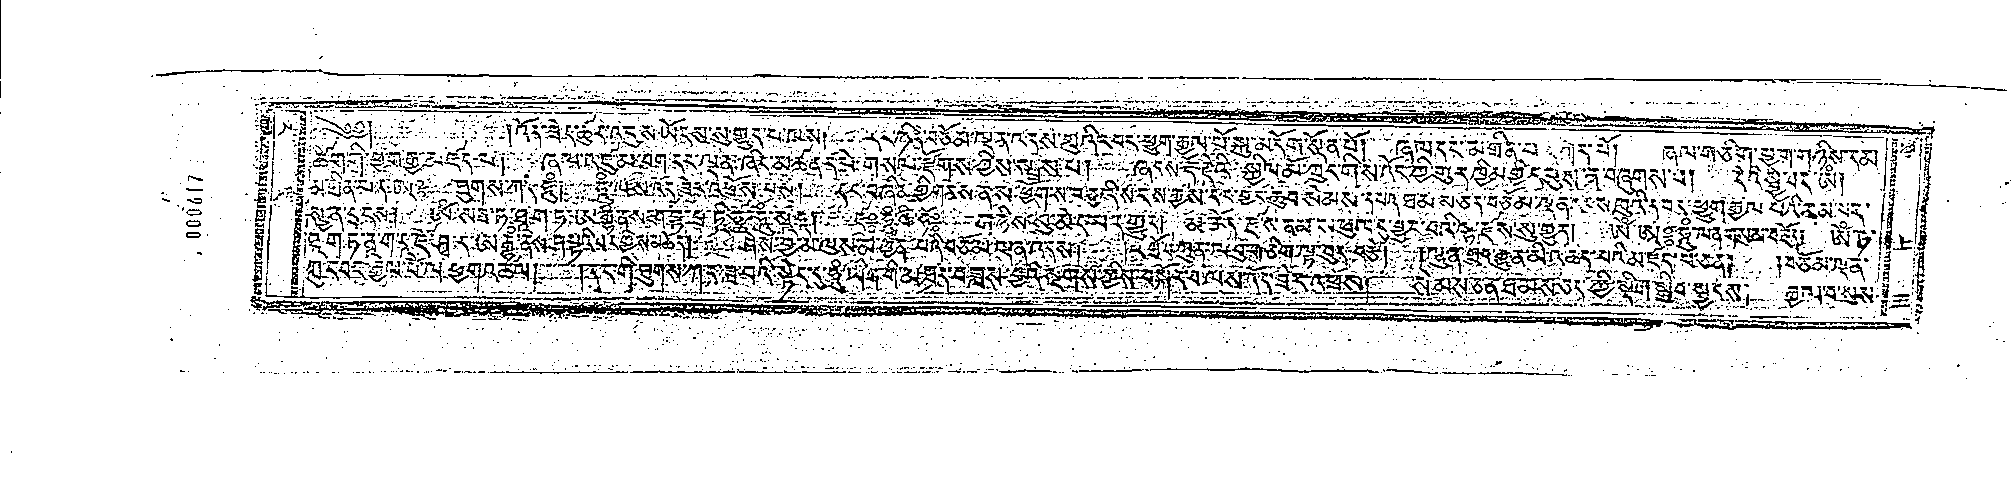༄༅། །འོད་ཟེར་ཚུར་འདུས་ཡོངས་སུ་གྱུར་པ་ལས། རང་ཉིད་བཅོམ་ལྡན་འདས་གླུའི་དབང་ཕྱུག་རྒྱལ་པོ་སྐུ་མདོག་སྣོན་པོ། ཞལ་དང་མགྲིན་པ་དཀར་པོ། ཞལ་གཅིག་ཕྱག་གཉིས་དམ་
ཚིག་གི་ཕྱག་རྒྱ་མཛད་པ། ཞལ་འཛུམ་བག་དང་ལྡན་ཞིང་མཚན་དཔེ་གསལ་རྫོགས་ཀྱིས་སྤྲས་པ། ཞབས་རྡོ་རྗེའི་སྐྱིལ་མོ་ཀྲུང་གིས་འོད་ཀྱི་གུར་ཁྱིམ་གྱི་དབུས་ན་བཞུགས་པ། དེའི་སྤྱི་བོར་ཨཾ།
མགྲིན་པར་ཨཱཿ་ཐུགས་ཀར་ཧཱུཾ། ཧཱུཾ་ལས་འོད་ཟེར་འཕྲོས་པས། རང་བཞིན་གྱི་གནས་ནས་ཕྱོགས་བཅུའི་སངས་རྒྱས་དང་བྱང་ཆུབ་སེམས་དཔའ་ཐམས་ཅད་བཅོམ་ལྡན་འདས་ཁུའི་དབང་ཕྱུག་རྒྱལ་པོའི་རྣམ་པར་
སྤྱན་དྲངས། ཨོཾ་སརྦ་ཏ་ཐཱ་ག་ཏ་ཨརྒྷཾ་ནས་ཤཔྟ་པྲ་ཏཱིཙྪ་ཧཱུཾ་སྭཱཧཱ། ཛཿ་ཧཱུཾ་བཾ་ཧོཿ་གཉིས་སུ་མེད་པར་གྱུར། མཆོད་རྫས་རྣམས་ཕུལ་དུ་བྱུང་བའི་ལྟ་རྫས་སུ་གྱུར། ཨོཾ་ཨཱཿ་ཧཱུཾ་ལན་གསུམ་བརྗོད། ཨོཾ་ཏ་
ཐཱ་ག་ཏ་ནཱ་ག་རཱ་ཛེ་ཤྭ་ར་ཨརྒྷཾ་ནས་ཤཔྟའི་བར་གྱིས་མཆོད། ཤེས་བྱ་མ་ལུས་མཁྱེན་པའི་བཅོམ་ལྡན་འདས། །འགྲོ་བ་ཀུན་ལ་བུ་གཅིག་ལྟ་བུར་བརྩེ། །ལྷུན་གྲུབ་རྒྱུན་མི་འཆད་པའི་མཛད་པ་ཅན། །བཅོམ་ལྡན་
ཀླུ་དབང་རྒྱལ་པོ་ལ་ཕྱག་འཚལ། །རང་གི་ཐུགས་ཀར་ཟླ་བའི་སྟེང་དུ་ཧཱུཾ་ཡིག་གི་མཐར་བཟླས་བྱའི་སྔགས་ཀྱིས་བསྐོར་བ་ལས་འོད་ཟེར་འཕྲོས། སེམས་ཅན་ཐམས་ཅད་ཀྱི་སྡིག་སྒྲིབ་སྦྱངས། རྒྱལ་བ་སྲས་